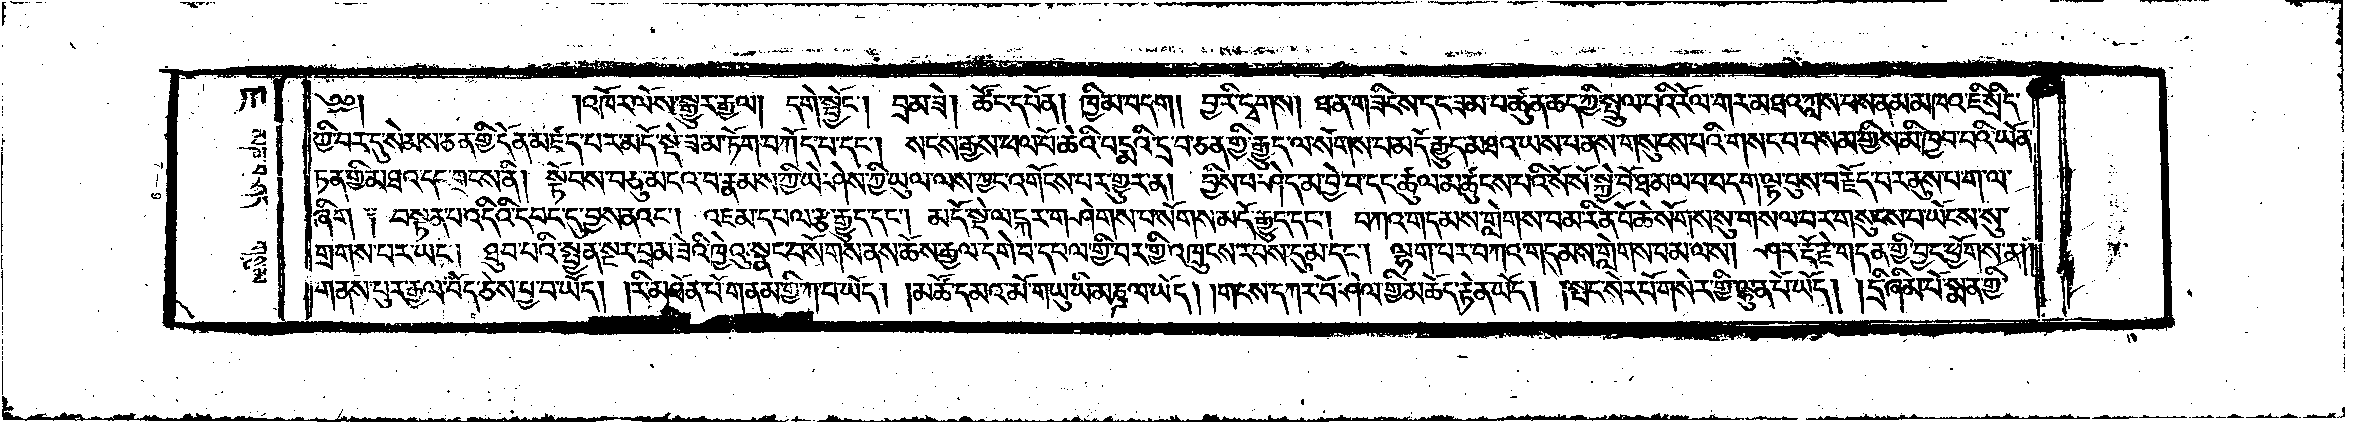༄༅། །འཁོར་ལོས་སྒྱུར་རྒྱལ། དགེ་སྦྱོང་། བྲམ་ཟེ། ཚོང་དཔོན། ཁྱིམ་བདག། བྱ་རི་དྭགས། ཐན་གཟིངས་དང་ཟམ་པ་ཚུན་ཆད་ཀྱི་སྤྲུལ་པའི་རོལ་གར་མཐའ་ཀླས་པས་ནམ་མཁའ་ཇི་སྲིད་
ཀྱི་བར་དུ་སེམས་ཅན་གྱི་དོན་མཛད་པར་མདོ་སྡེ་ཟ་མ་ཏོག་བཀོད་པ་དང་། སངས་རྒྱས་ཕལ་པོ་ཆེའི་པདམའི་དྲ་བ་ཅན་གྱི་རྒྱུད་ལ་སོགས་པ་མདོ་རྒྱུད་མཐའ་ཡས་པ་ནས་གསུངས་པའི་གསང་བ་བསམ་གྱིས་མི་ཁྱབ་པའི་ཡོན་
ཏན་གྱི་མཐའ་དང་གྲངས་ནི། སྟོབས་བཅུ་མངའ་བ་རྣམས་ཀྱི་ཡེ་ཤེས་ཀྱི་ཡུལ་ལས་ཀྱང་འགོངས་པར་གྱུར་ན། བྱིས་པ་ཤེད་མ་བྱེ་བ་དང་ཚུལ་མཚུངས་པའི་སོ་སོ་སྐྱེ་བོ་ཐ་མལ་བ་བདག་ལྟ་བུས་བརྗོད་པར་ནུས་པ་ག་ལ་
ཞིག ༑བསྟན་པ་འདིའི་དབང་དུ་བྱས་ནའང་། འཇམ་དཔལ་རྩ་རྒྱུད་དང་། མདོ་སྡེ་ལངྐར་གཤེགས་པ་སོགས་མདོ་རྒྱུད་དང་། བཀའ་གདམས་གླེགས་བམ་རིན་པོ་ཆེ་སོགས་སུ་གསལ་བར་གསུངས་པ་ཡོངས་སུ་
གྲགས་པར་ཡང་། ཐུབ་པའི་སྤྱན་སྔར་བྲམ་ཟེའི་ཁྱེའུ་སྣང་བ་སོགས་ནས་ཆོས་རྒྱལ་དགེ་བ་དཔལ་གྱི་བར་གྱི་འཁྲུངས་རབས་དུ་མ་དང་། ལྷག་པར་བཀའ་གདམས་གླེགས་བམ་ལས། ཤར་རྡོ་རྗེ་གདན་གྱི་བྱང་ཕྱོགས་ན།
གནས་པུར་རྒྱལ་བདེ་ཅེས་བྱ་བ་ཡོད། །རི་མཐོན་པོ་གནམ་གྱི་ཀ་བ་ཡོད། །མཚོ་དམའ་མོ་གཡུ་ཡི་མཎྜལ་ཡོད། །གངས་དཀར་པོ་ཤེལ་གྱི་མཆོད་རྟེན་ཡོད། །སྤང་སེར་པོ་གསེར་གྱི་ལྷུན་པོ་ཡོད། །དྲི་ཞིམ་པོ་སྨན་གྱི་